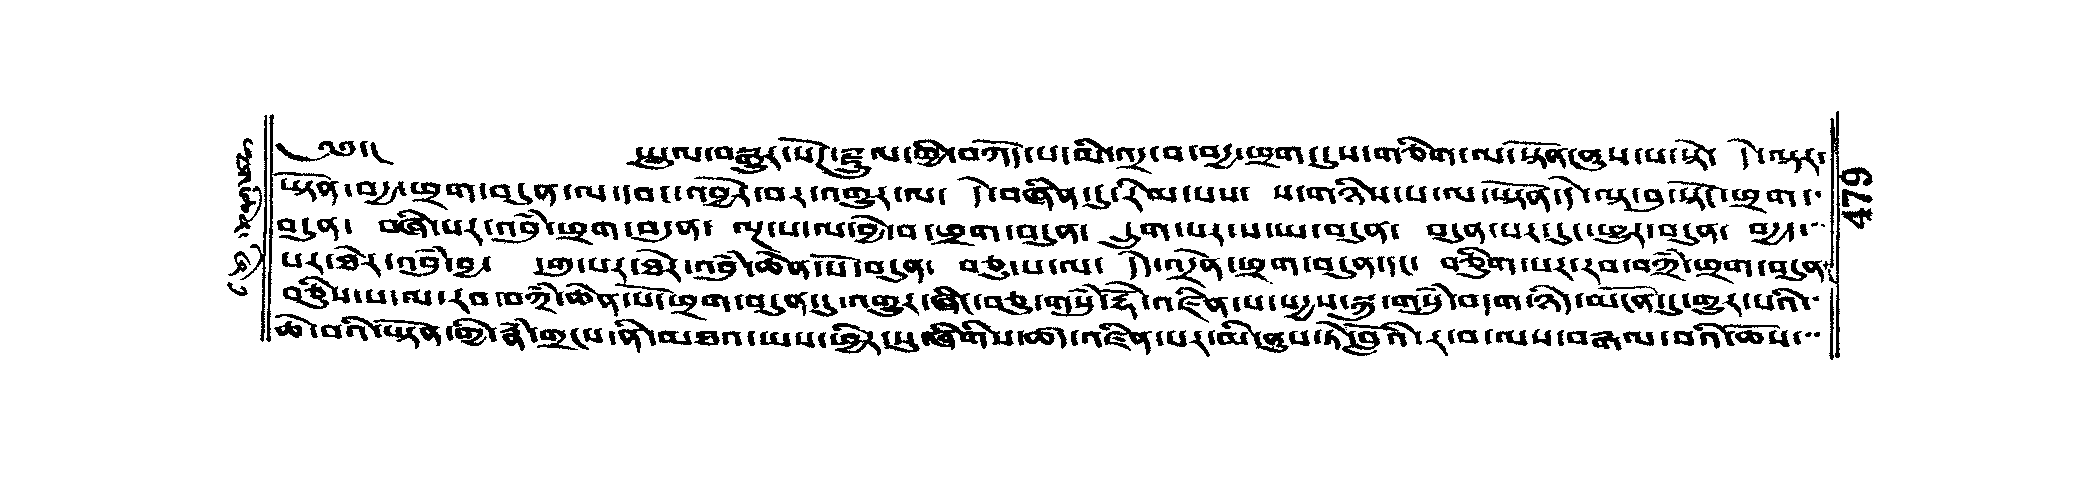སྤྲུལ་བསྒྱུར་སོགས་རྫུ་འཕྲུལ་གྱི་བཀོད་པ་མི་འདྲ་བ་བརྒྱ་ཕྲག་དུས་གཅིག་ལ་སྟོན་ནུས་པ་སྟེ། དེ་ལྟར་
ཡོན་ཏན་བརྒྱ་ཕྲག་བདུན་ལ་དབང་འབྱོར་བར་འགྱུར་ལ།དེ་བཞིན་དུ་རིམ་པས། ས་གཉིས་པ་ལ་ཡོན་ཏན་དེ་ལྟ་བུ་སྟོང་ཕྲག་
བདུན། བཞི་པར་འབུམ་ཕྲག་བདུན། ལྔ་པ་ལ་བྱེ་བ་ཕྲག་བདུན། དྲུག་པར་ས་ཡ་བདུན། བདུན་པར་དུང་ཕྱུར་བདུན། བརྒྱད་
པར་ཐེར་འབུམ་བདུན། དགུ་པར་ཐེར་འབུམ་ཆེན་པོ་བདུན། བཅུ་པ་ལ་དེད་འདྲེན་ཕྲག་བདུན་དང་། བཅུ་གཅིག་པར་རབ་བཀྲམ་ཕྲག་བདུན། 
བཅུ་གཉིས་པ་ལ་རབ་བཀྲམ་ཆེན་པོ་ཕྲག་བདུན་དུ་འགྱུར་ཞིང་བཅུ་གསུམ་རྡོ་རྗེ་འཛིན་པ་སངས་རྒྱས་སྐུ་གསུམ་བདག་ཉིད་མངོན་དུ་གྱུར་པའི་
ཆེ་བའི་ཡོན་ཏན་གྱི་རྣམ་གྲངས་ནི་མཐའ་ཡས་ཕྱིར་སུ་ཞིག་གིས་ཚད་འཛིན་པར་མི་ནུས་ཏེ་བློའི་ར་བ་ལས་བརྒལ་བའི་ཆོས་